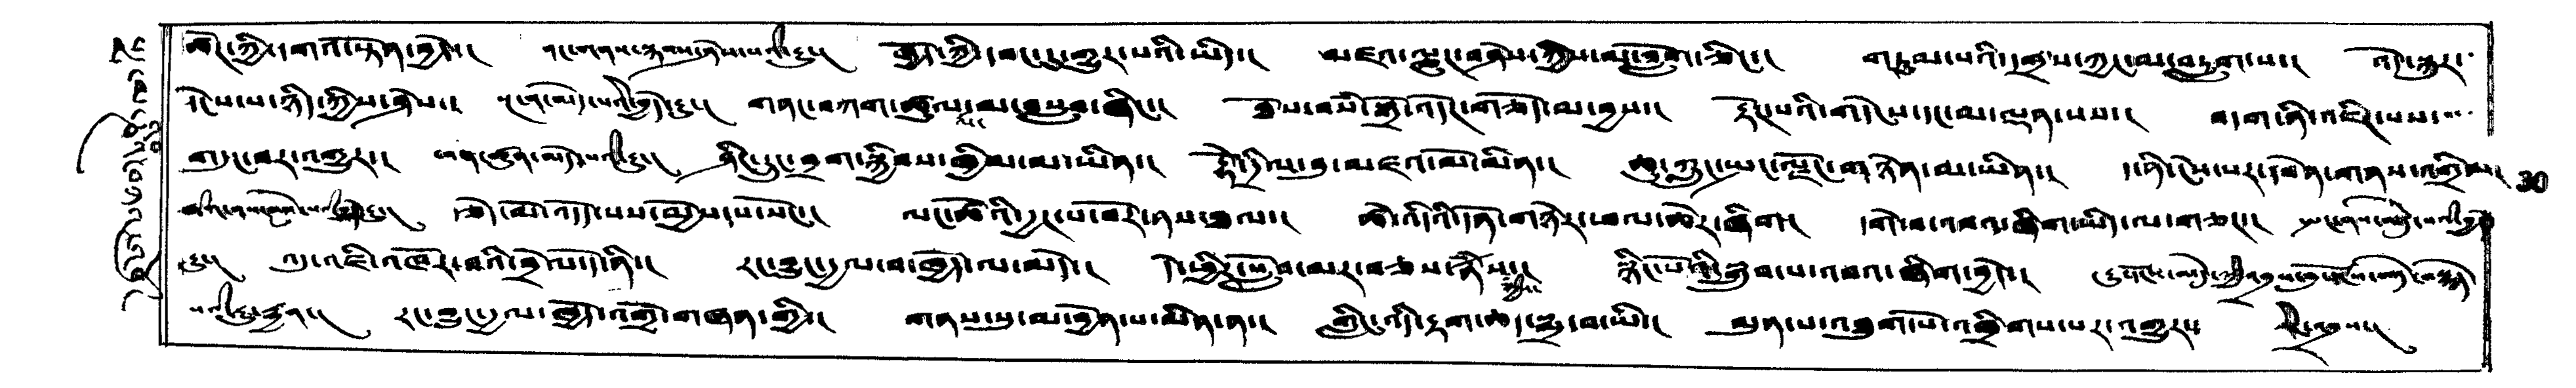ཚོགས་ཀྱི་དགའ་སྟོན་བྱེད། ། ནང་གནས་སྐབས་ཤེས་པའི་རྒྱུ། ཁྱོད་ཀྱི་དབང་དུ་གྱུར་པའི་ཡིད། །མཛའ་གཅུགས་བཤེས་ཀྱིས་མ་ཟློག་ཅིང་། །གཏུམ་པའི་དགྲས་ཀྱང་མ་བརླག་པ། །འོད་སྐུར་
དེངས་པ་ཉིད་ཀྱིས་ཤེས། སྔ་ན་མེད་པའི་བྱེད་རྒྱུ། གནང་བཀག་ཚུལ་ལ་མ་བསླབ་ཞིང་། །ཐོས་བསམ་སྒྲོ་འདོགས་གཅོད་མ་བྱས། །རྟོགས་པའི་གདེངས་དང་མ་ལྡན་པས། །བདག་ནི་འཇིགས་པས་
གདུང་བར་གྱུར། ། ཕན་ཚུན་མེད་པའི་རྒྱུ། ཤིང་དྲུང་བྱ་སྐྱིབས་ཁྱིམ་མ་ཡིན། །རྡོ་རྗེ་དྲིལ་བུ་མཛའ་མོ་མིན། །ཆུ་ཀླུང་སྤང་ལྗོངས་གཉེན་མ་ཡིན། །ད་ནི་ངེས་པར་དབེན་གནས་འགྲིམ། ། 
ཞིག་ནས་མེད་པའི་བྱེད་རྒྱུ། རྩེད་མོ་འདོད་པས་མྱོས་པ་སོང་། །ལང་ཚོའི་རྒྱགས་པ་བོར་ནས་ཐལ། །ཚེ་འདིའི་དོན་གཉེར་ཕལ་ཆེར་ཞིག ། དགེ་བ་འབའ་ཞིག་ཡིད་ལ་གཅགས། ། སྤང་ནས་མེད་པའི་བྱེད་
རྒྱུ། འདུ་འཛི་འཁོར་བའི་བྲེལ་དོ་ནི། །རང་བྱུང་རྒྱལ་བ་ཁྱོད་ལ་མེད། །དེ་ཕྱིར་སློབ་མར་བཅས་རྣམས་ཀྱིས། །སྙིང་པོའི་སྒྲུབ་པ་འབའ་ཞིག་བྱེད། ། རྒྱུ་དངོས་མེད་ཀྱི་འབྲས་བུ་དངོས་མེད་བསྐྱེད་
པའི་རྒྱུ་རྒྱན། རང་བྱུང་རྒྱལ་ཁྱོད་འགྲོ་གཞན་གྱི། །གནས་སུ་མ་བྱོན་པ་མིན་ན། །གླིང་འདི་རྟག་ཆད་སྨྲ་བ་ཡི། །མུན་པ་འཐུག་པོ་འཁྲིགས་པར་འགྱུར། ། རིང་འབྲས།